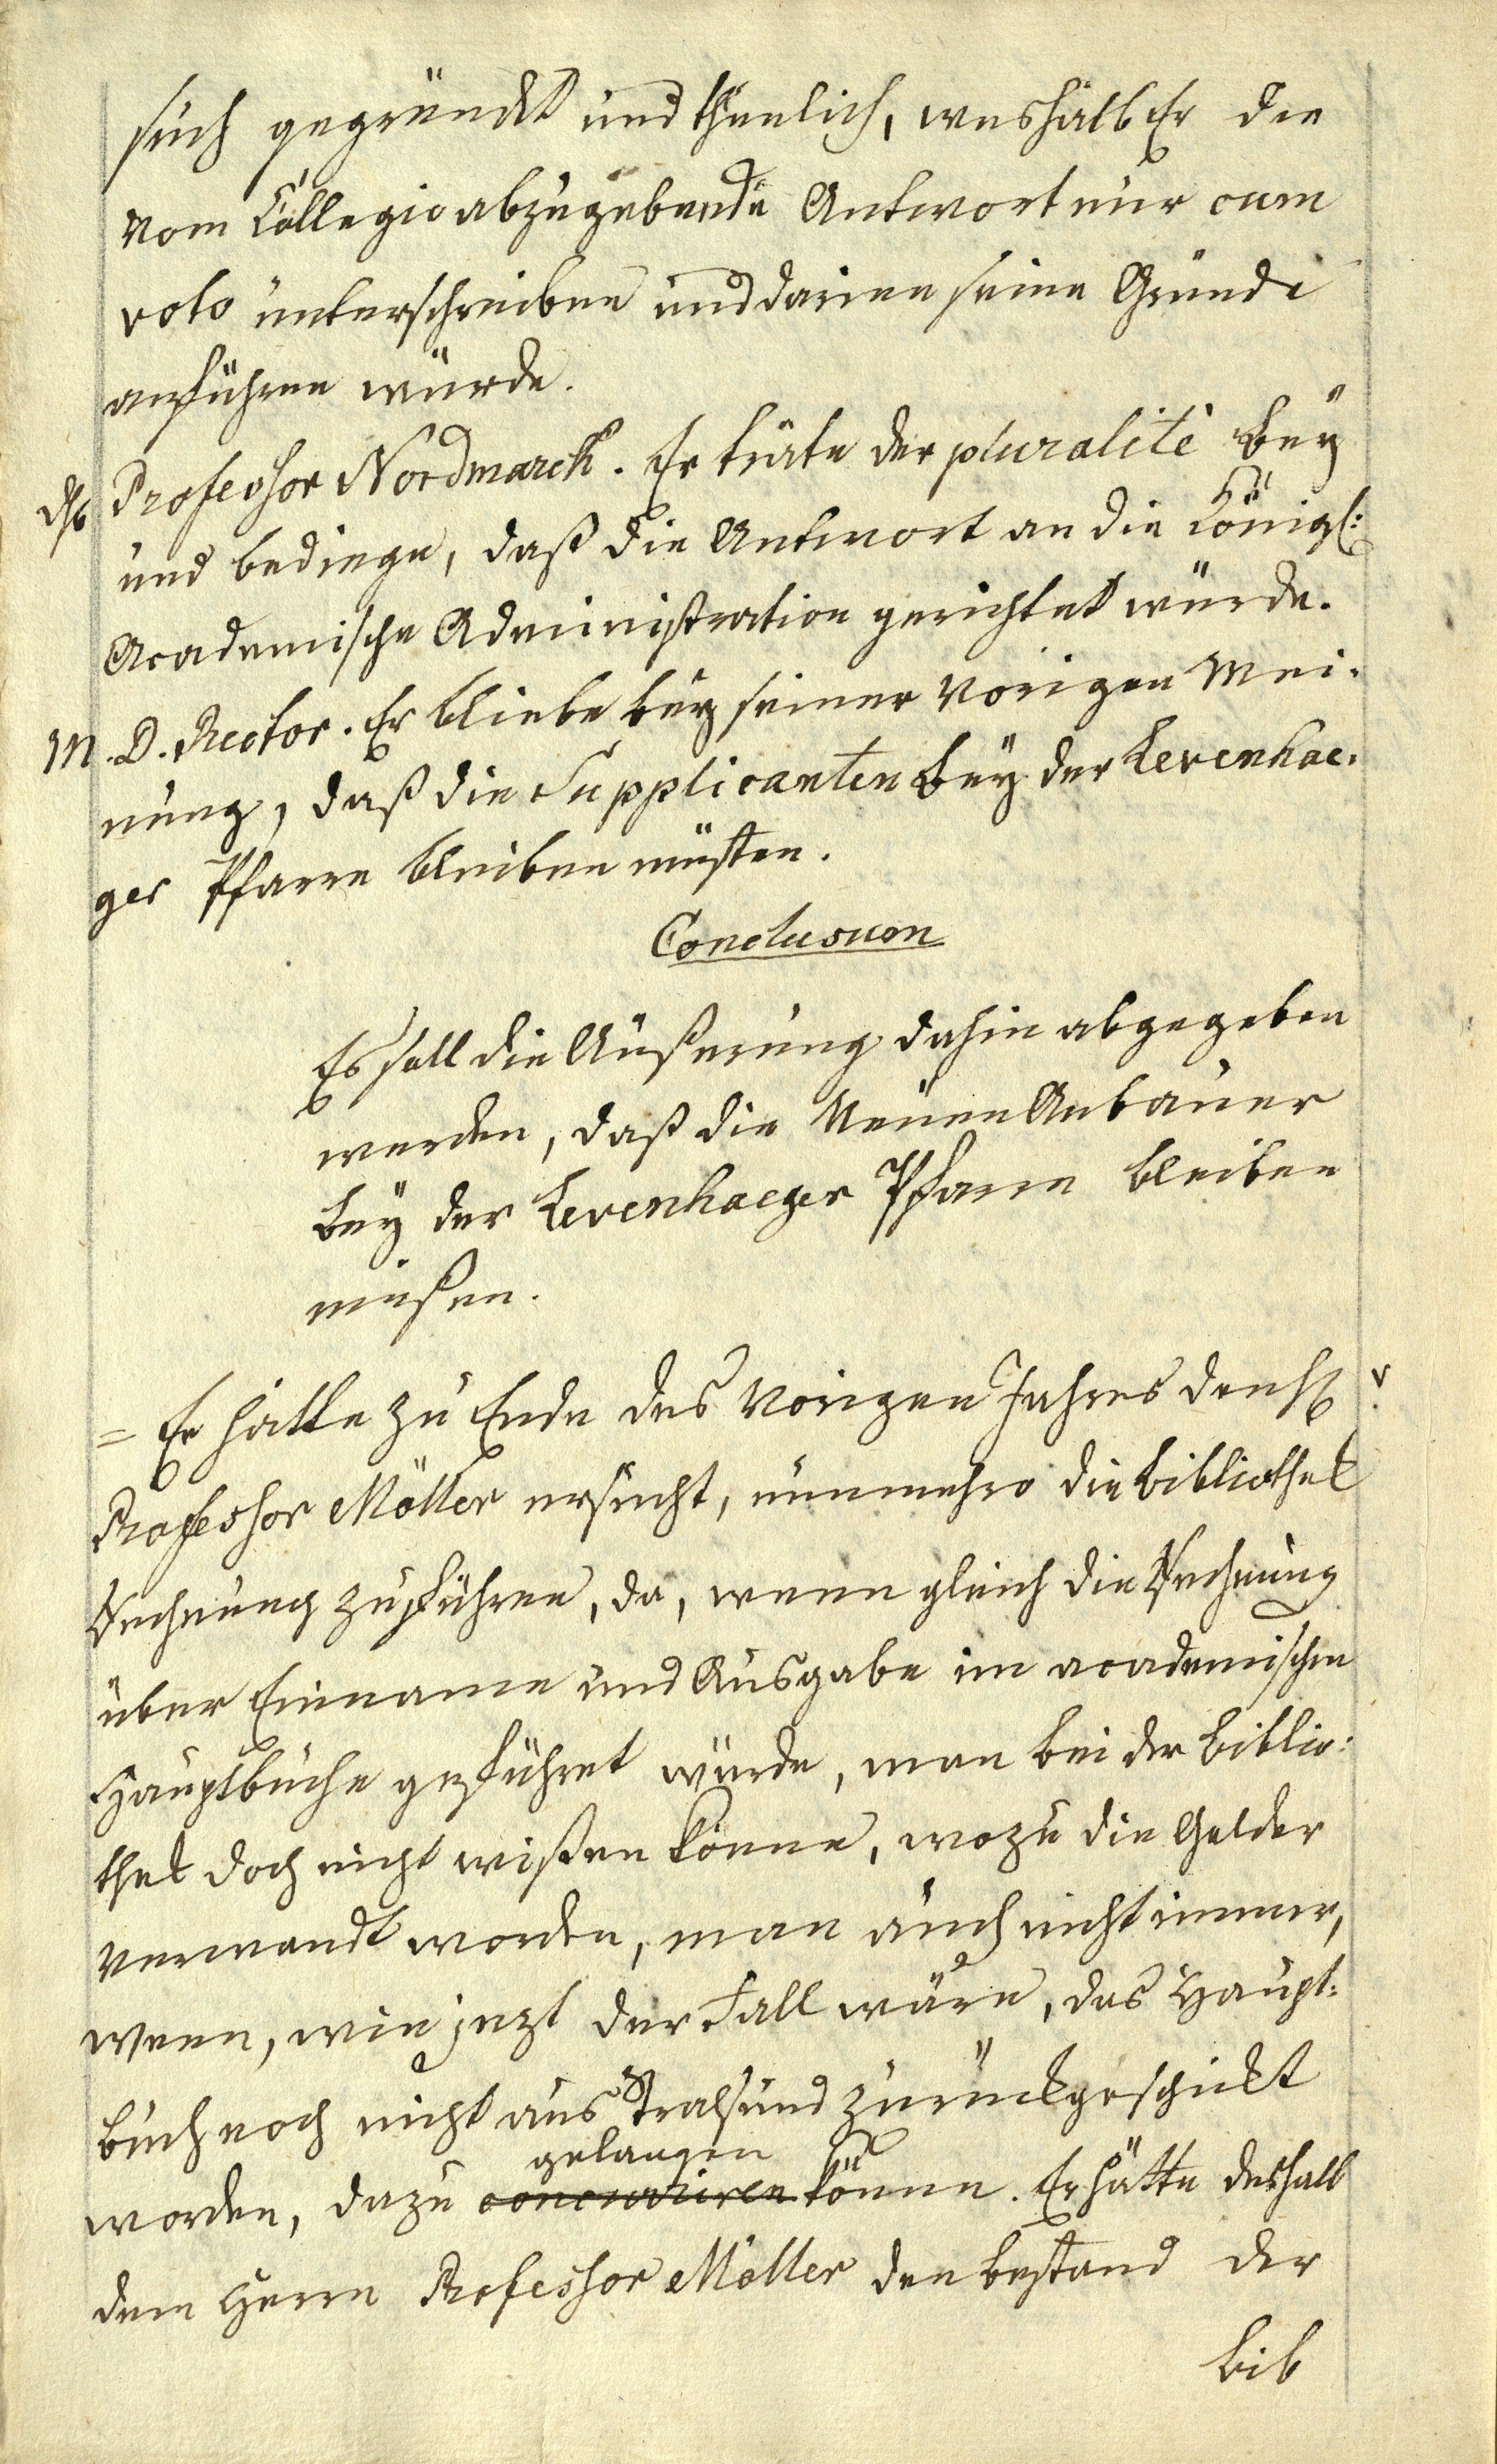such gegründet und thunlich, weshalb Er die
vom Collegio abzugebende Antwort nur cum
voto unterschreiben und darinn seine Gründe
anführen würde.
dh Professor Nordmarck. Er träte der pluralite beÿ
und bedinge, daß die Antwort an die Königl.
Academische Administration gerichtet würde.
M. D. Rector. Er bliebe beÿ seiner vorigen Mei¬
nung, daß die Supplicanten beÿ der Levenhae¬
ger Pfarre bleiben müsten.
Conclusum
Es soll die Äußerung dahin abgegeben
werden, daß die Neuen Anbauer
beÿ der Levenhaeger Pfarren bleiben
müßen.
Er hätte zu Ende des vorigen Jahres den h
Professor Möller ersucht, nunmehro die Bibliothek
Rechnung zuführen, da, wenn gleich die Rechnung
über Einname und Ausgabe im academischen
Hauptbuche geführet würde, man bei der Biblio¬
thek doch nicht wißen könne, wozu die Gelder
verwandt worden, man auch nicht immer,
wenn, wie jezt der Fall wäre, das Haupt¬
Buch noch nicht aus Stralsund zurückgeschickt
gelangen
worden, dazu concuriren könne. Er hätte deshalb
dem Herrn Professor Möller den Bestand der
Bib